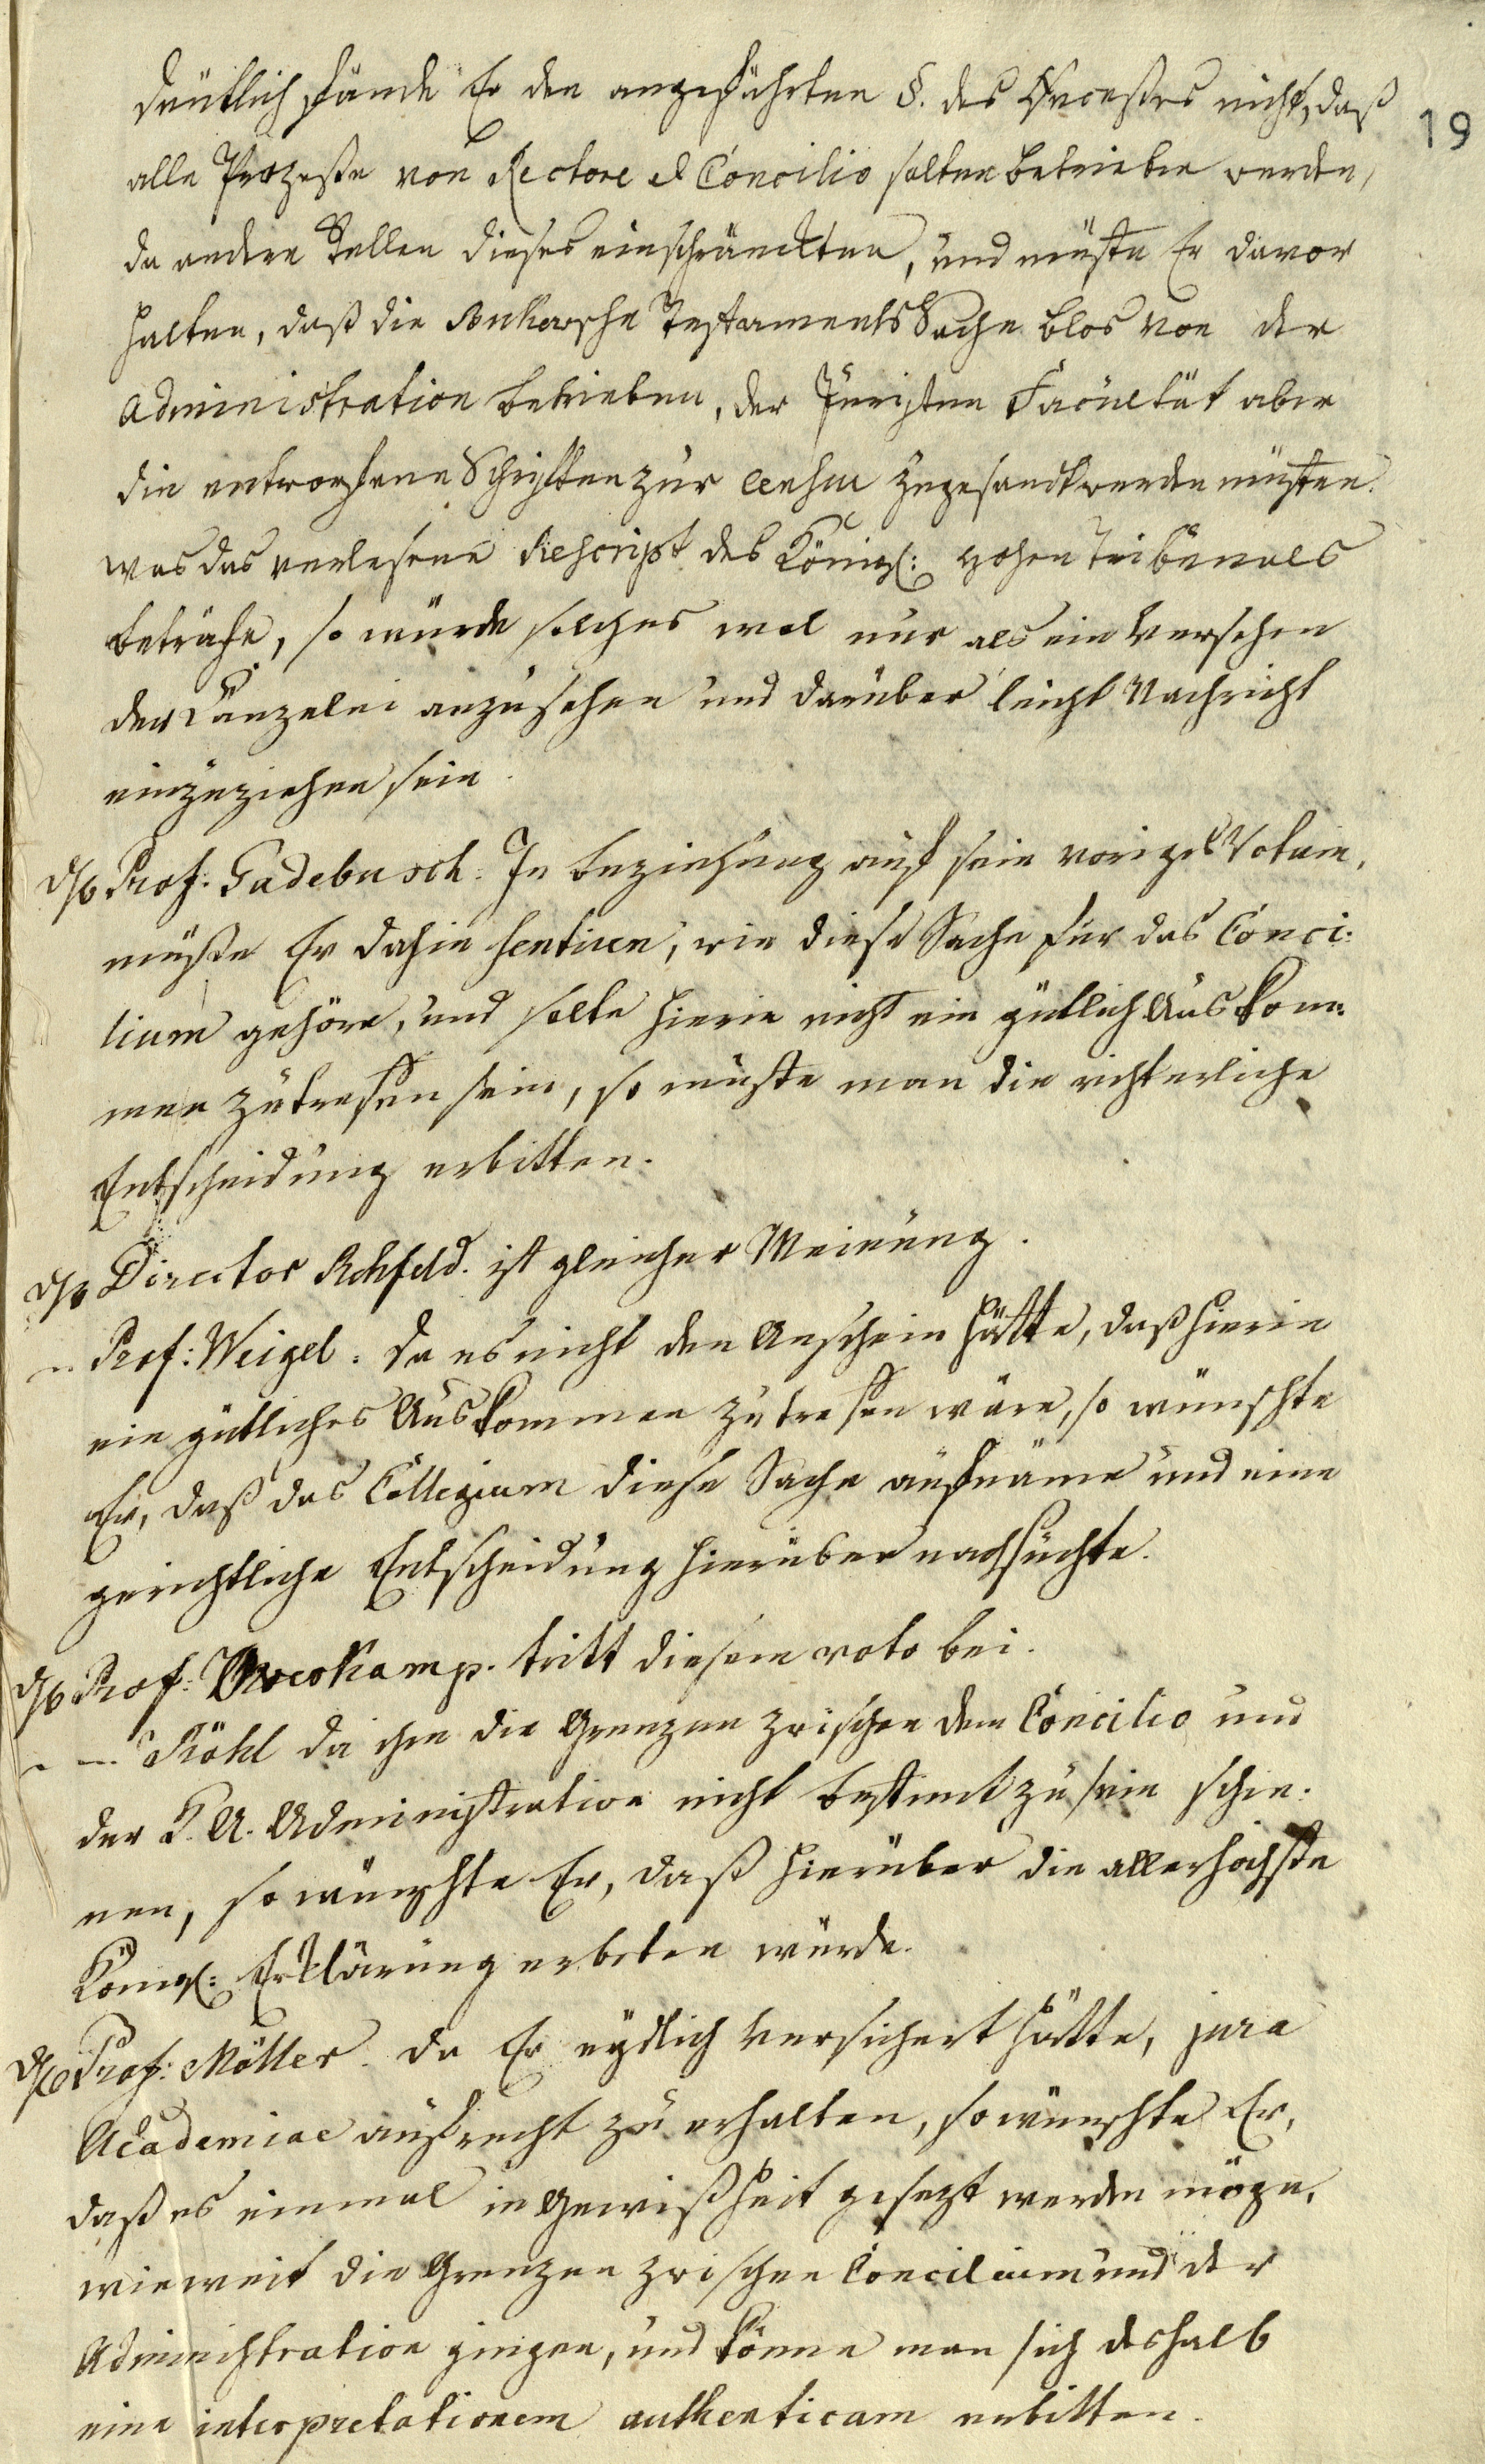deutlich fände Er den angeführten § des Receßes nicht, daß
alle Prozeße von Rectore et Concilio solten betrieben werden,
da andere Stellen dieses einschränckten, und müste Er davor
halten, daß die Bukowsche TestamentsSache blos von der
Administration betrieben, der Juristen Facultät aber
die entworfene Schriften zur censur zugesandt werden müsten.
Was das verlesene Rescript des Königl. Hohen Tribunals
beträfe, so würde solches wol nur als ein Versehen
der Kanzelei anzusehen und darüber leicht Nachricht
einzuziehen sein.
dh Prof. Gadebusch. In Beziehung auf sein voriges Votum
müße Er dahin sentiren, wie diese Sache für das Conci¬
lium gehöre, und solte hierin nicht ein gütlich Auskom¬
men zutreffen sein, so müste man die richterliche
Entscheidung erbitten.
dh Director Rehfeld. ist gleicher Meinung.
Prof. Weigel. Da es nicht den Anschein hätte, daß hierin
ein gütliches Auskommen zu treffen wäre, so wünschte
Er, daß das Collegium dieseSache aufnäme und eine
gerichtliche Entscheidung hierüber nachsuchte.
dh Prof. Overkamp. tritt diesem voto bei.
Röhl da ihm die Grenzen zwischen dem Concilio und
der K. A. Administration nicht bestimt zu sein schie¬
nen, so wünschte Er, daß hierüber die allerhöchste
Königl. Erklärung erbeten würde.
dh Prof. Möller. da Er eÿdlich versichert hätte, jura
Academiae aufrecht zu erhalten, so wünschte Er,
daß es einmal in Gewißheit gesezt werden möge,
wieweit die Grenzen zwischen Concilium und der
Administration gingen, und könne man sich deshalb
eine interpretationem authenticam erbitten.